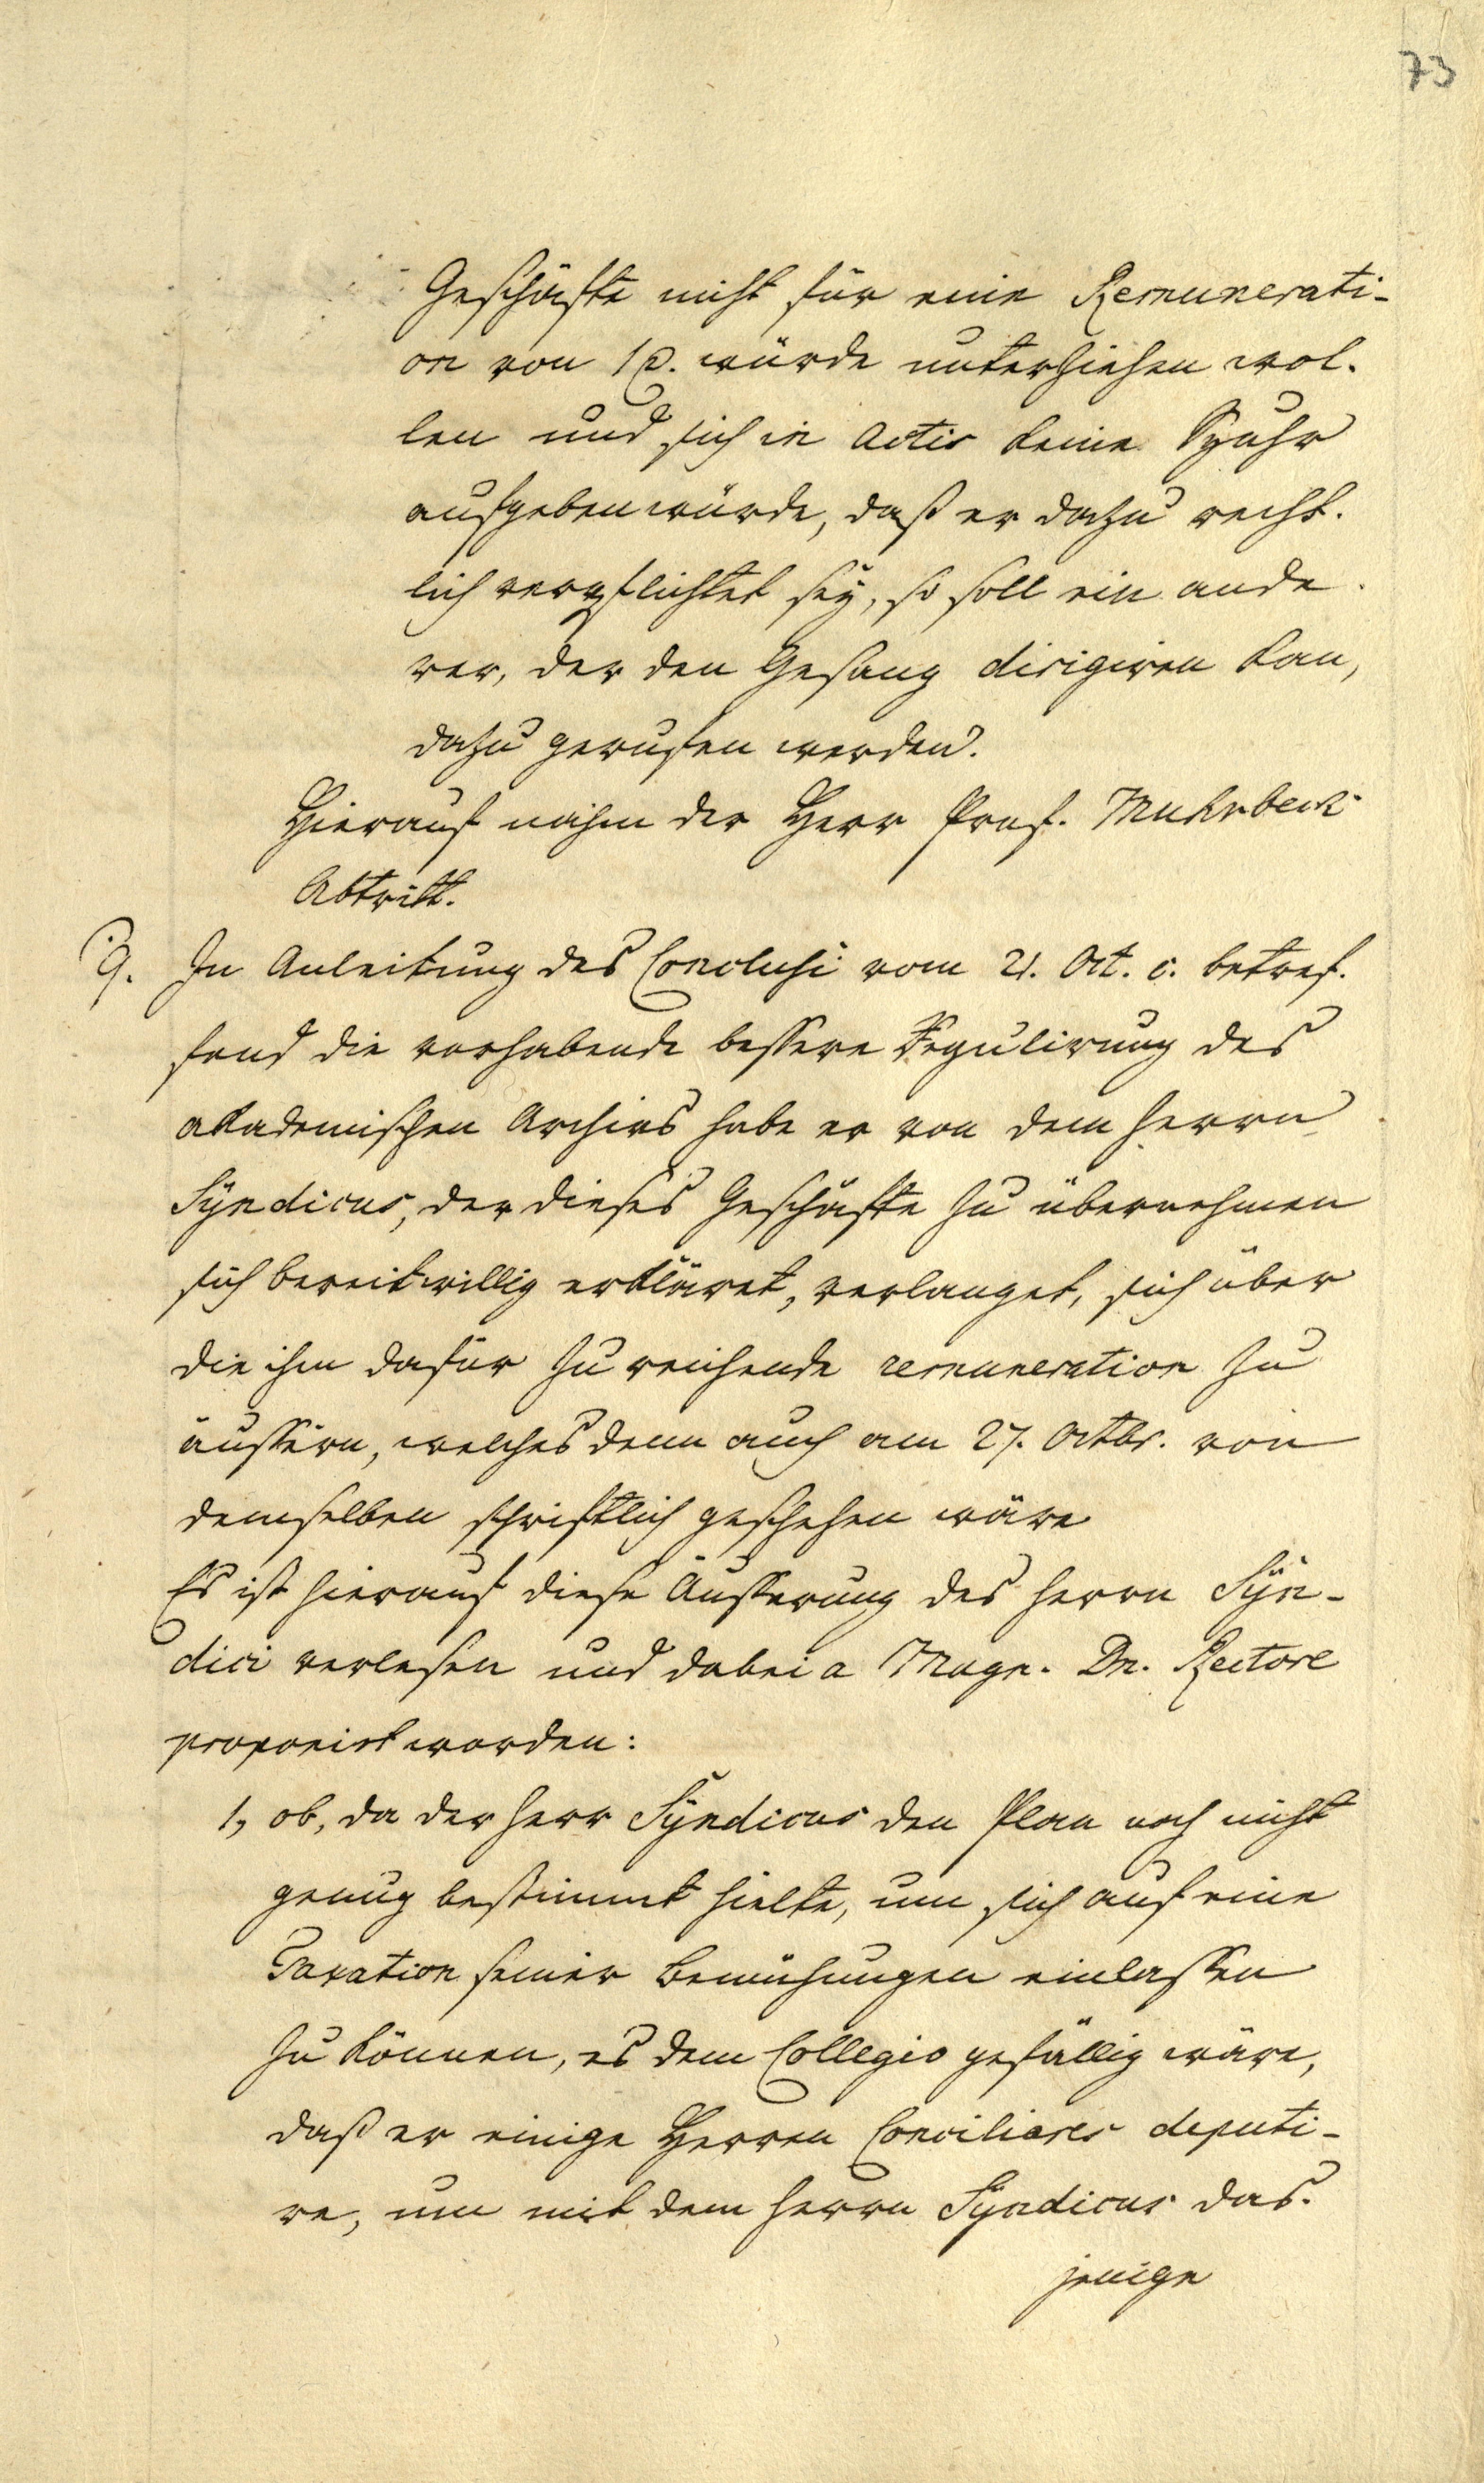Geschäfte nicht für eine Remunerati¬
on von 1l. würde unterziehen wol¬
len und sich in Actis keine Spuhr
aufgeben würde, daß er dazu recht¬
lich verpflichtet seÿ, so soll ein ande¬
rer, der den Gesang dirigiren kan,
dazu gerufen werden.
Hierauf nahm der Herr Prof. Muhrbeck
Abtritt.
9. In Anleitung des Conclusi vom 21. Oct. c. betref¬
fand die vorhabende bessere Regulirung des
akademischen Archivs habe er von dem Herrn
Sÿndicus, der dieses Geschäfte zu übernehmen
sich bereitwillig erkläret, verlanget, sich über
die ihm dafür zu reichende remuneration zu
äussern, welches denn auch am 27. Octbr. von
demselben schriftlich geschehen wäre.
Es ist hierauf diese Äusserung des Herrn Sÿn¬
dici verlesen und dabei a Magn. Dn. Rectore
proponirt worden:
1., ob, da der Herr Sÿndicus den Plan noch nicht
genug bestimmt hielte, im sich auf eine
Taxation seiner Bemühungen einlassen
zu können, es dem Collegio gefällig wäre,
daß er einige Herren Conciliares deputi¬
re, um mit dem Herrn Sÿndicus das¬
jenige